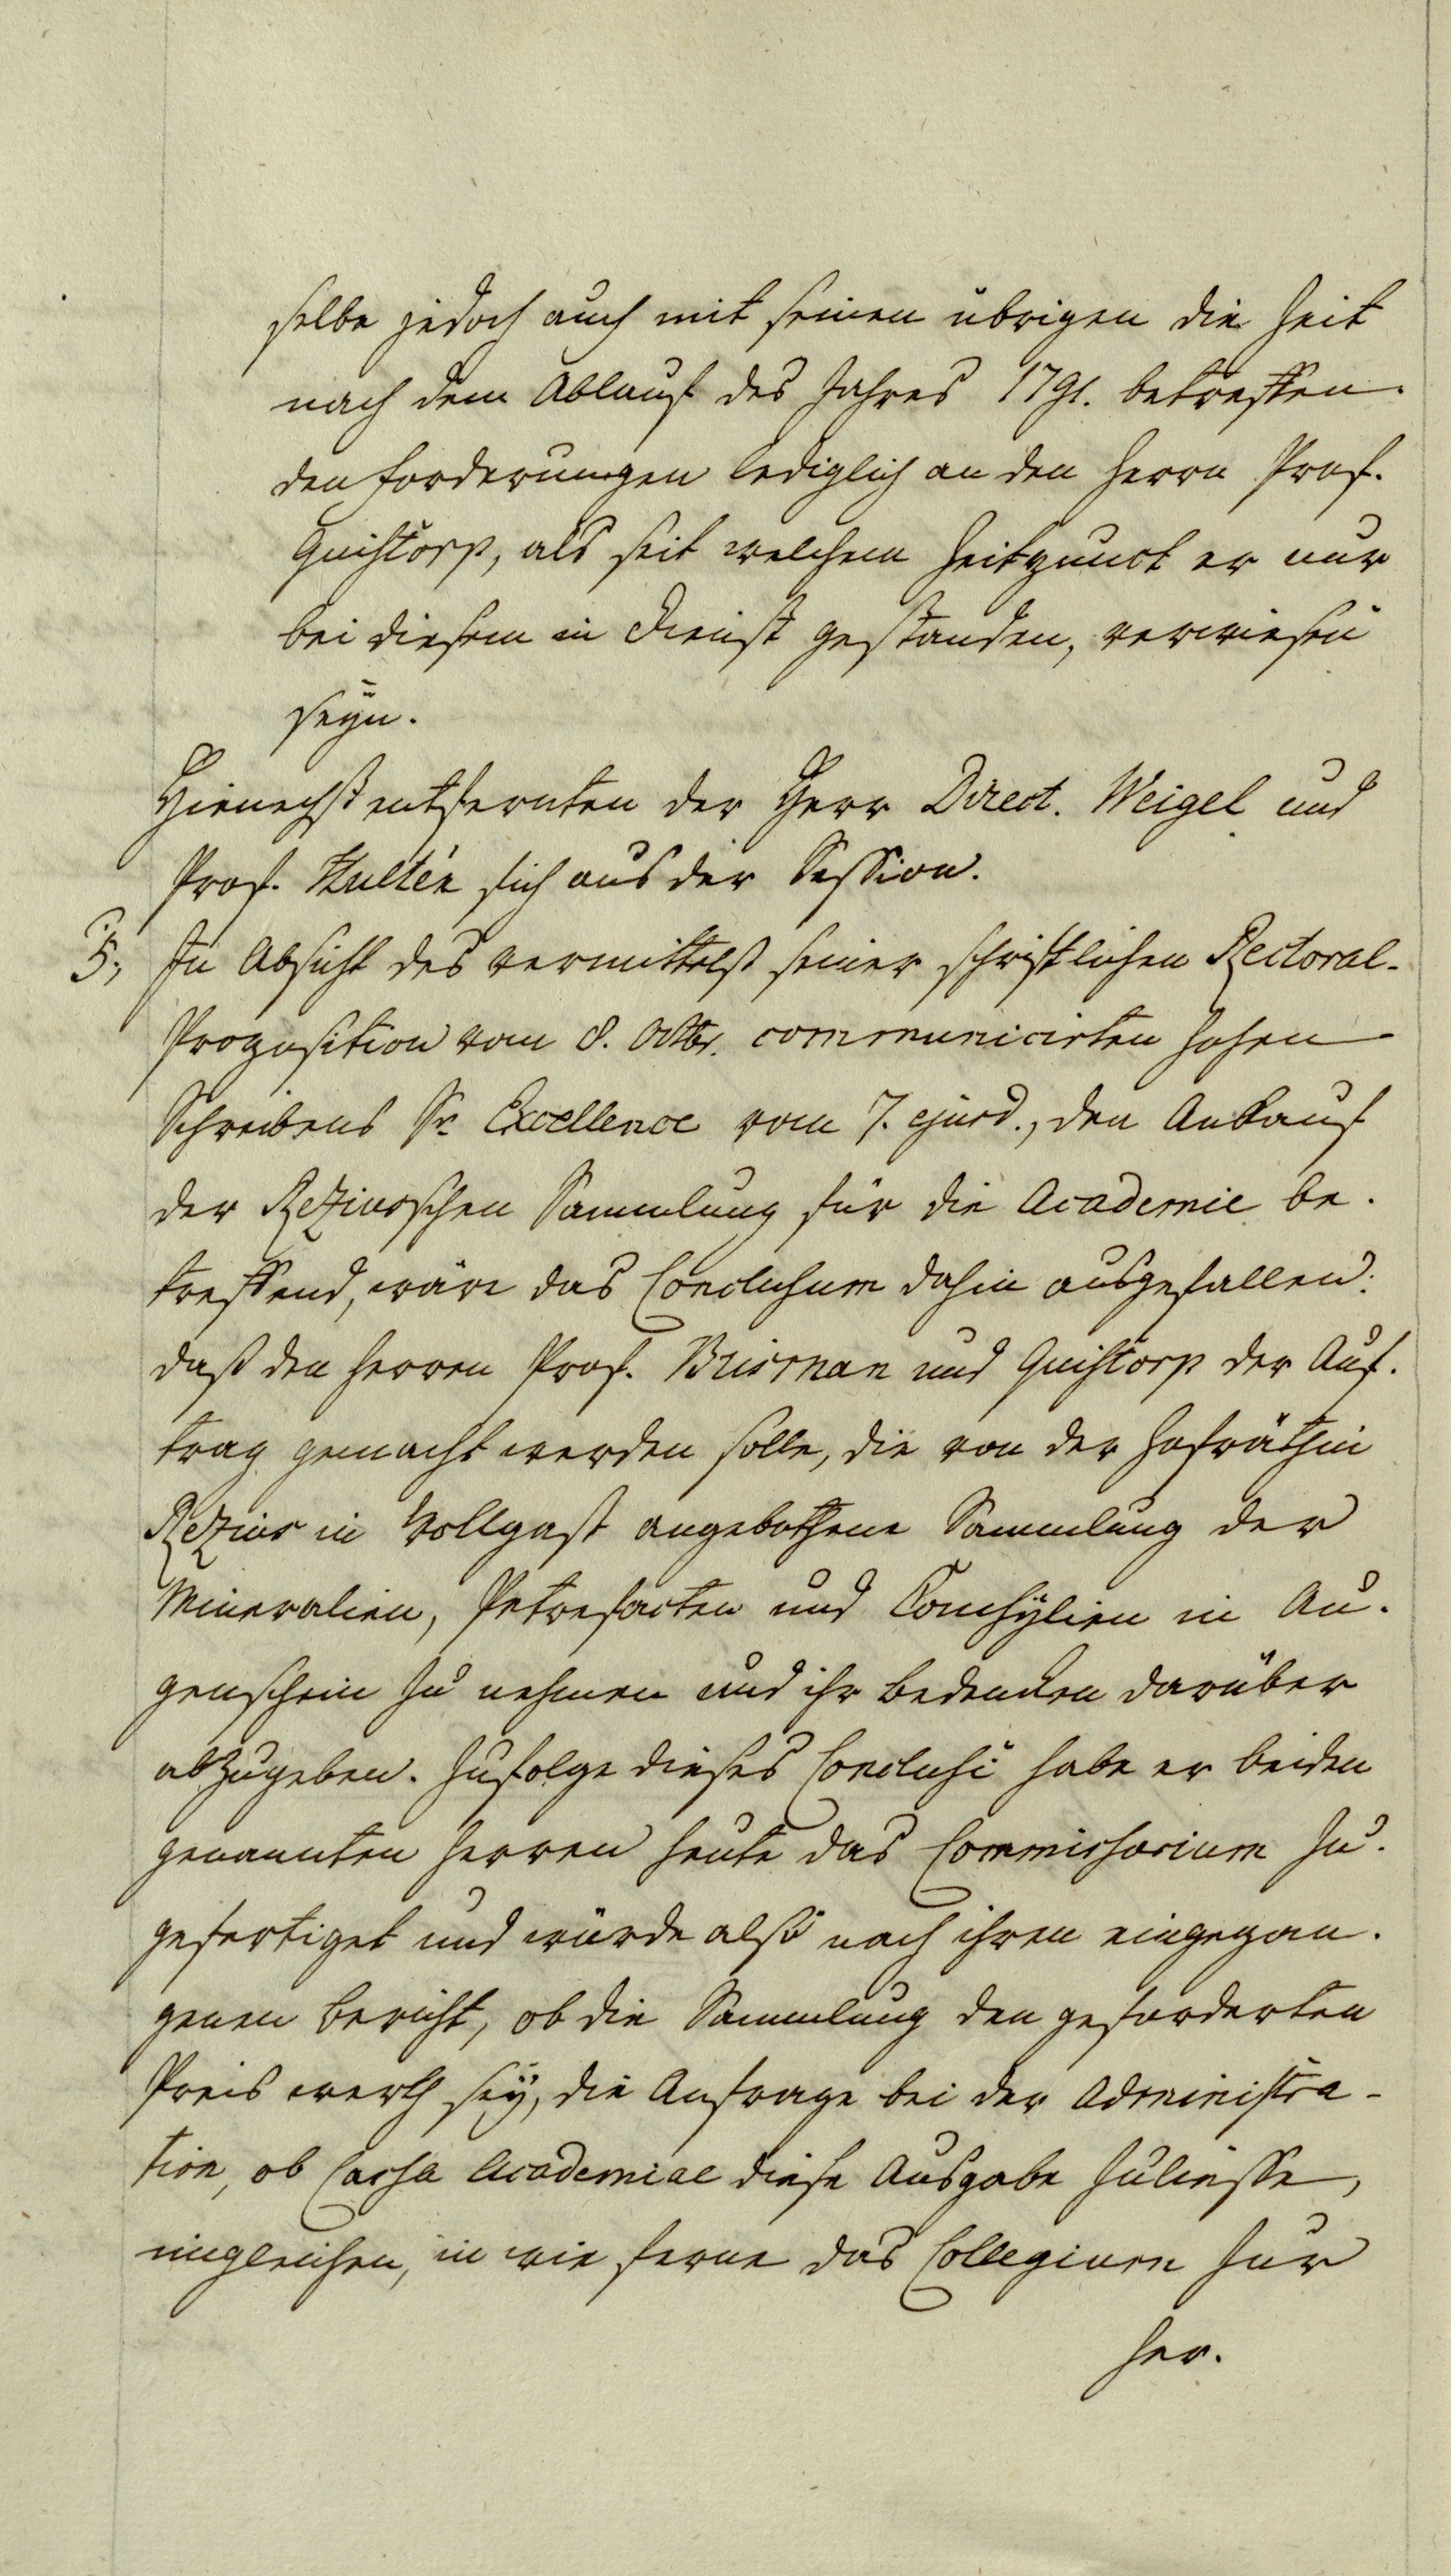selbe jedoch auch mit seinen übrigen die Zeit
nach dem Ablauf des Jahres 1791. betreffen¬
den Forderungen lediglich an den Herrn Prof.
Quistorp, als seit welchem Zeitpunct er nur
bei diesem in Dienst gestanden, verwiesen
seÿn.
Hienechst entfernten der Herr Direct. Weigel und
Prof. Hultén sich aus der Session.
5., In Absicht des vermittelß seiner schriftlichen Rectoral¬
Proposition vom 8. Octbr. communicirten hohen
Schreibens Sr. Excellence vom 7. ejusd., den Ankauf
der Reziusschen Sammlung für die Academie be¬
treffend, wäre das Conclusum dahin ausgefallen:
daß den Herren Prof. Brisman und Quistorp der Auf¬
trag gemacht werden solle, die von der Hofräthin
Rezius in Wollgast angebothene Sammlung der
Mineralien, Petrefacten und Conchÿlien in Au¬
genschein zu nehmen und ihr Bedencken darüber
abzugeben. Zufolge dieses Conclusi habe er beiden
genannten Herren heute das Commissorium zu¬
gefertiget und würde also nach ihren eingegan¬
genen Bericht, ob die Sammlung den geforderten
Preis werth seÿ, die Anfrage bei der Administra¬
tion, ob Cassa Academica diese Ausgabe zuliesse,
eingleichen, in wie ferne das Collegium zur
her¬